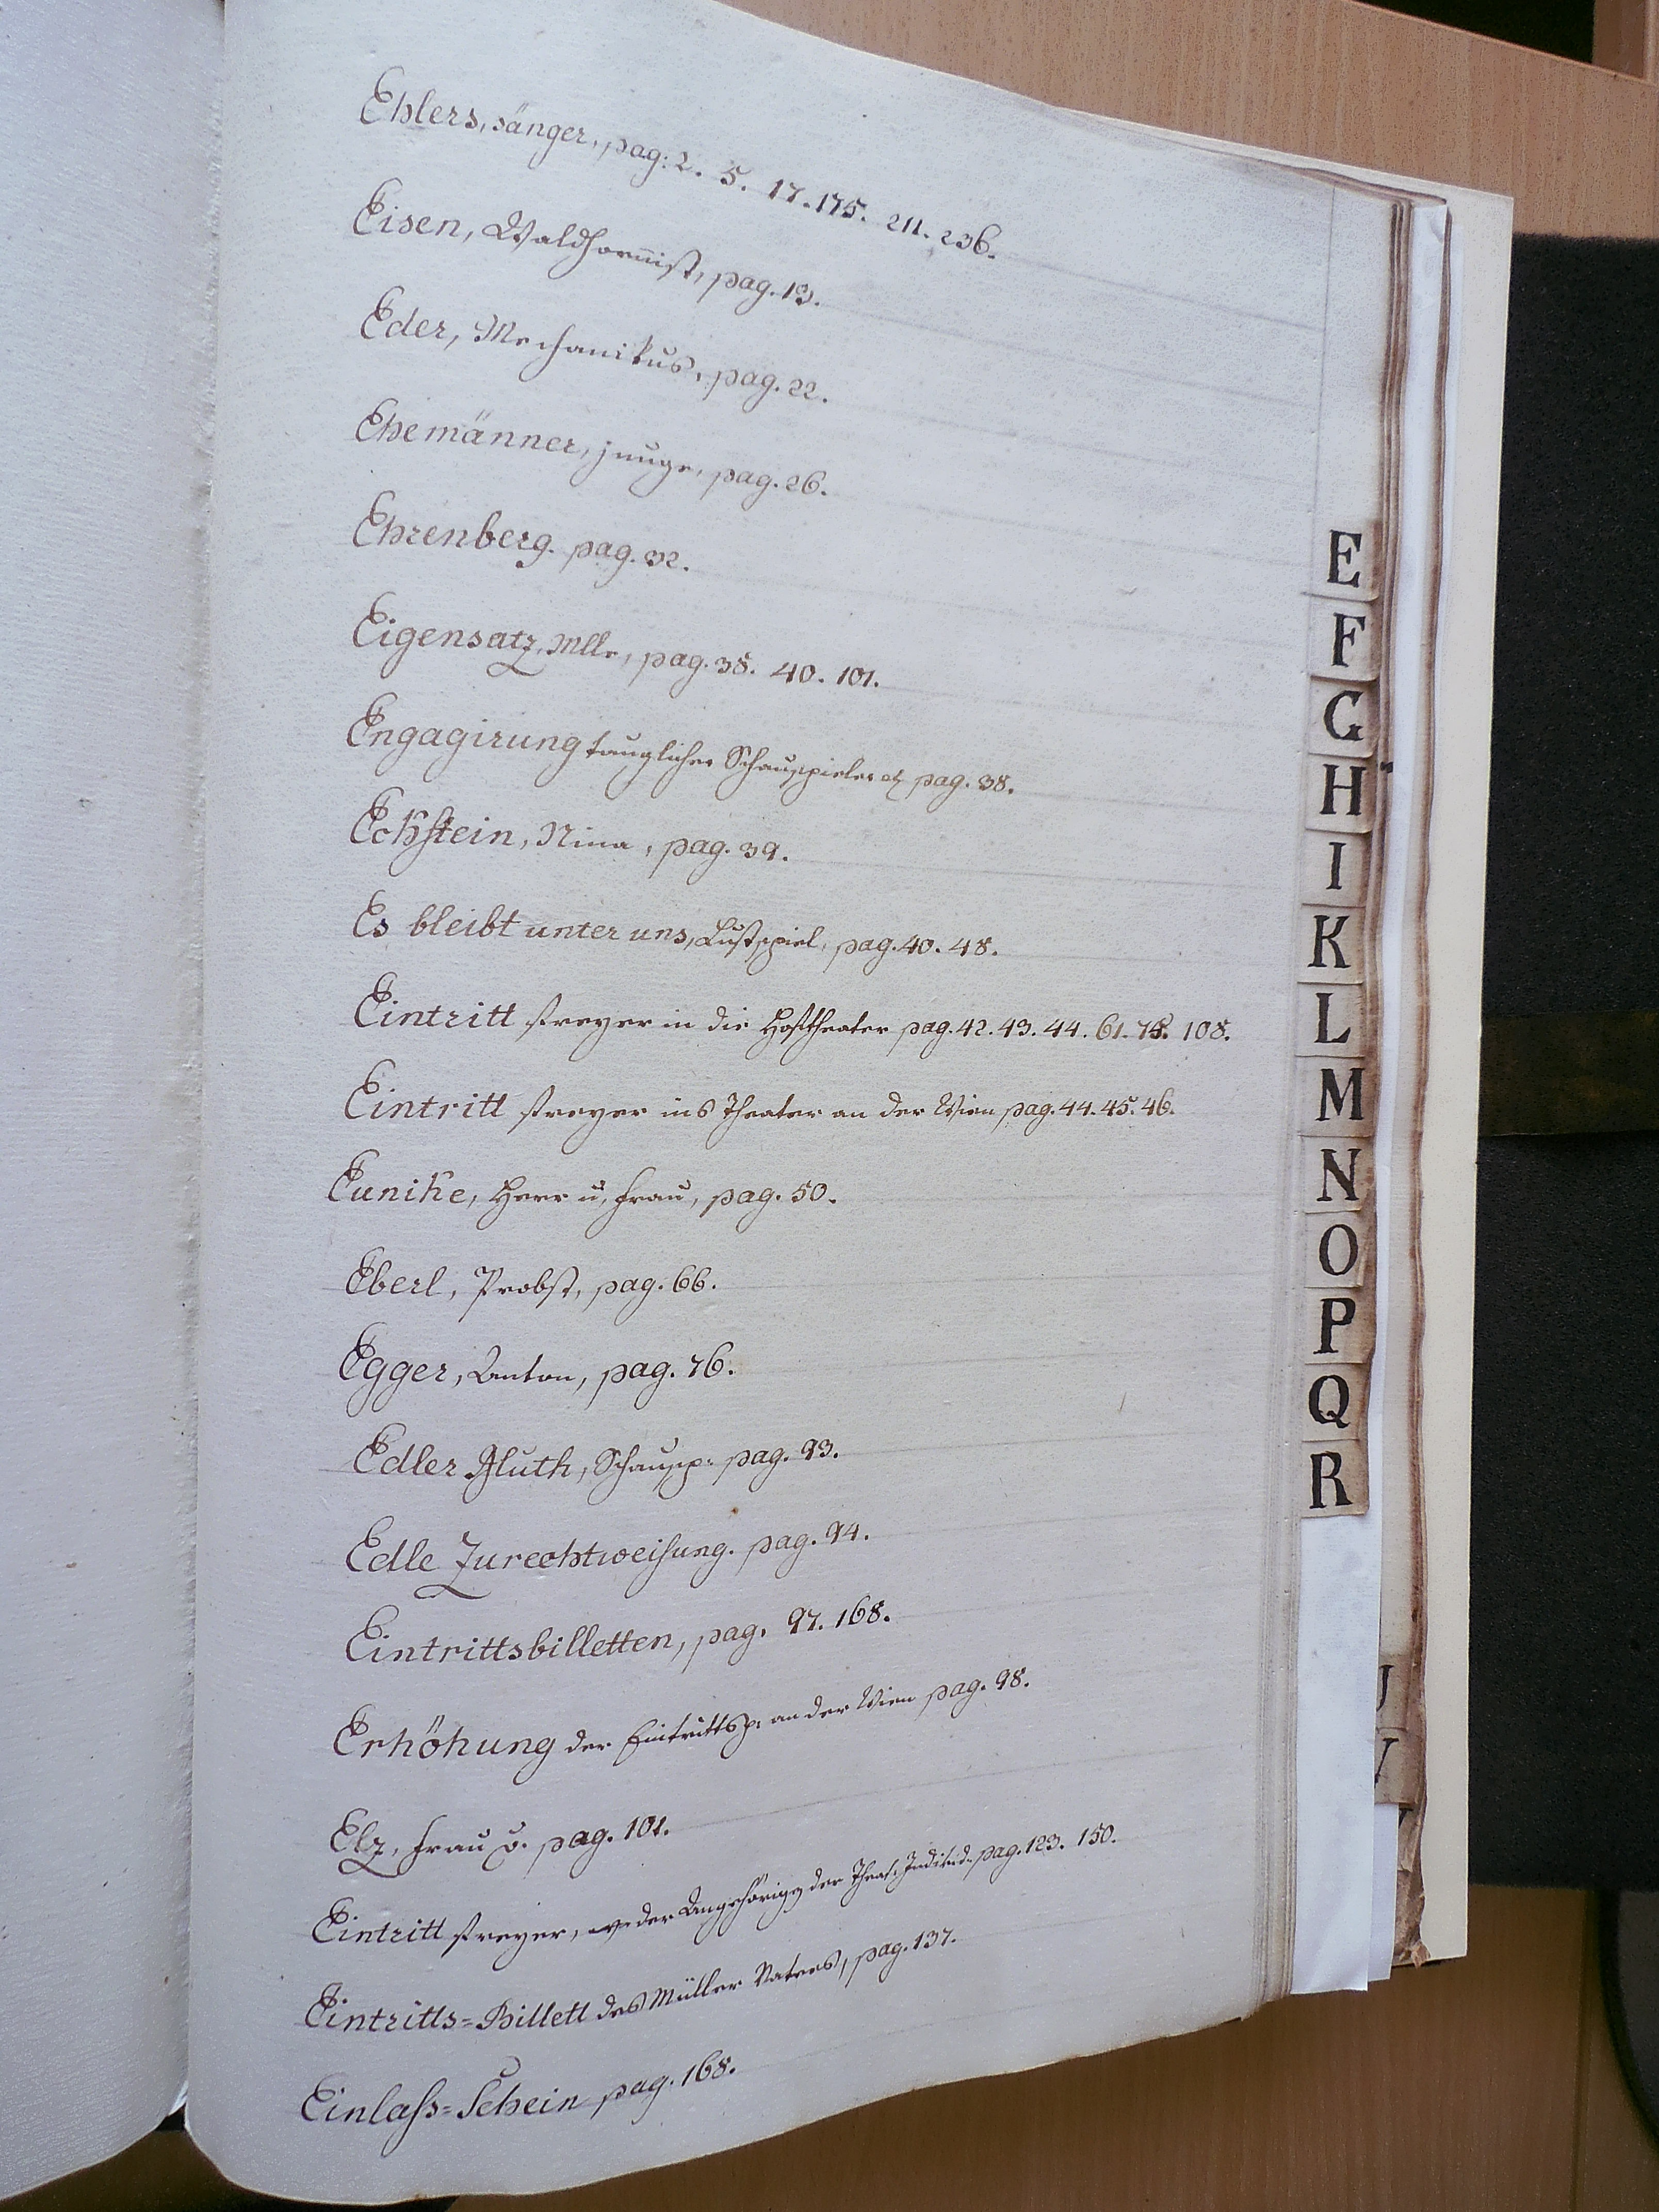E
Ehlers, sänger, pag. 2. 5. 17. 175. 211. 236.
Eisen, Waldhornist, pag.13.
Eder, Mechanikus, pag. 22.
Ehemänner, junge, pag. 26.
Ehrenberg. pag.32.
Eigensatz, Mlle, pag. 38. 40. 101.
Engagirung tauglicher Schauspieler atq, pag. 38.
Eckstein, Nina, pag. 39.
Es bleibt unter uns, Lustspiel, pag.40. 48.
Eintritt freyer in die Hoftheater pag. 42. 43. 44. 61. 75. 108.
Eintritt freyer ins Theater an der Wien pag. 44. 45. 46.
Eunike, Herr u, Frau, pag. 50.
Eberl, Probst, pag. 66.
Egger, Anton, pag. 76.
Edler Muth, Schausp: pag. 93.
Edle Zurechtweisung. pag. 94.
Eintrittsbilletten, pag. 97. 168.
Erhöhung der Eintrittsp: an der Wien pag. 98.
Elz, Frau v. pag. 101.
Eintritt freyer, wgn der Angehörigen der Theat: Individ: pag. 123. 150.
Eintritts‗Billett des Müller Vaters, pag. 137.
Einlass‗Schein pag. 168.